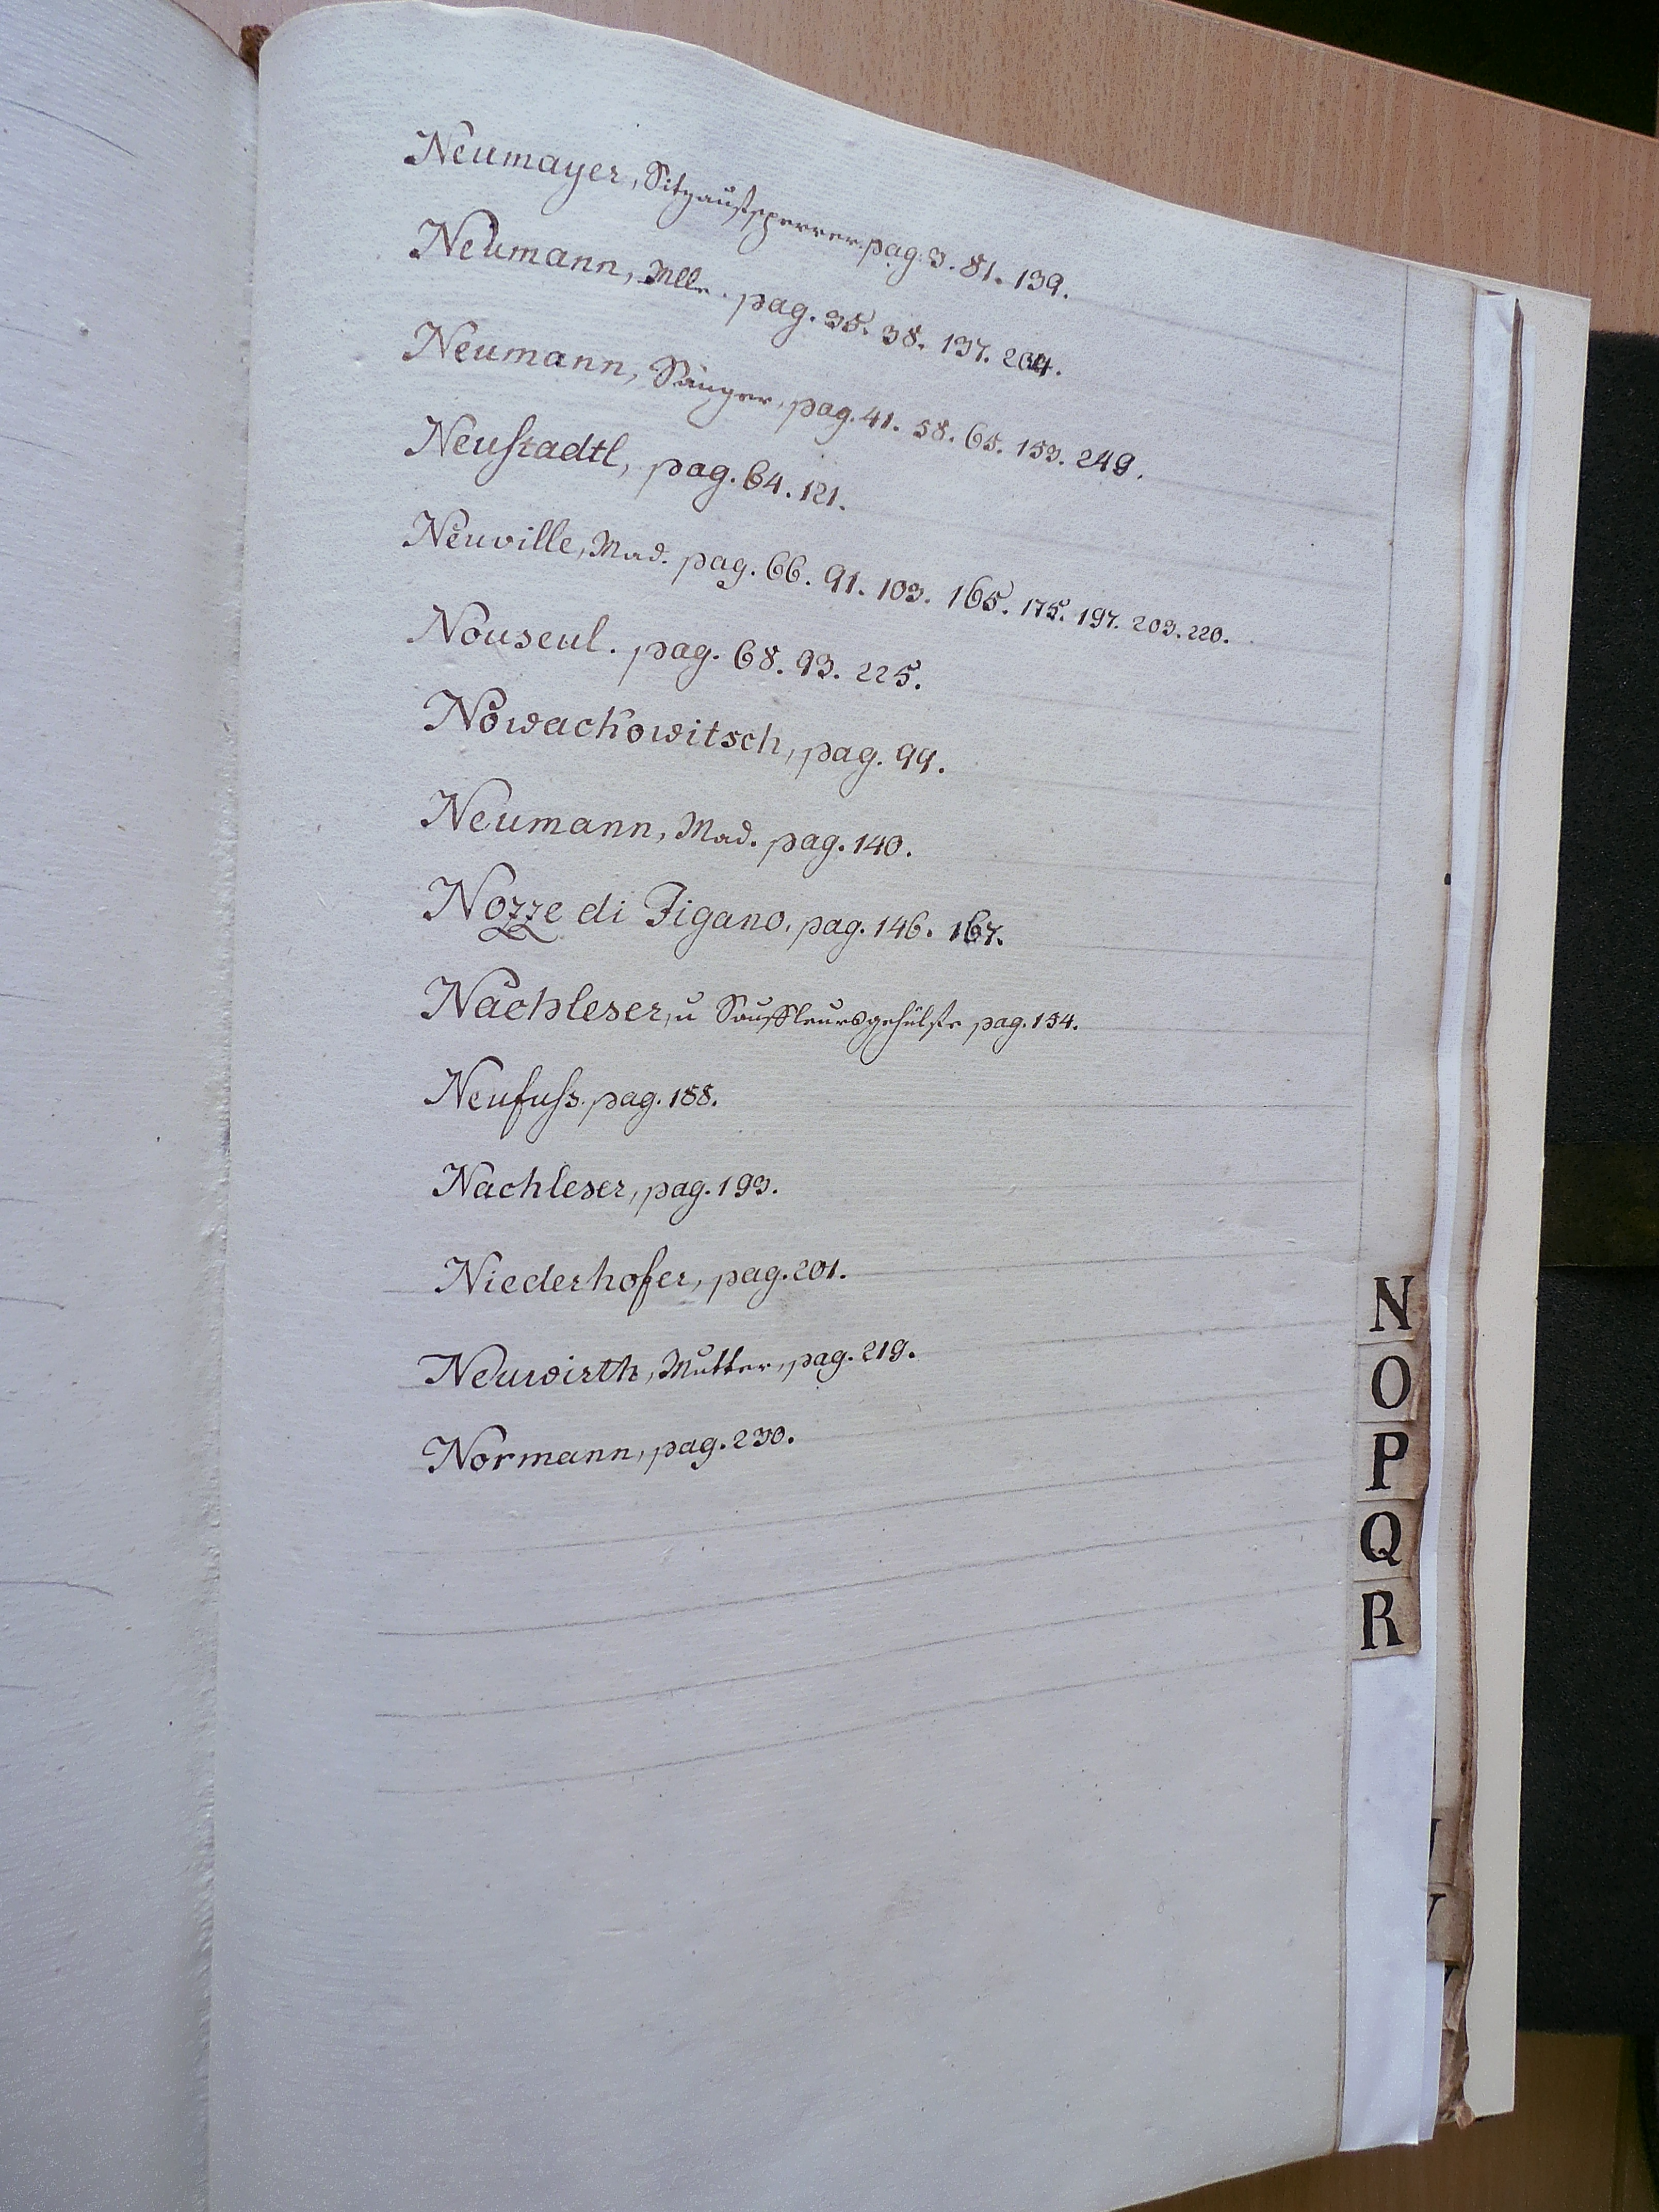N
Neumayer, Sitzaufsperrer. pag. 3. 81. 139.
Neumann, Mlle. pag. 35. 38. 137. 204.
Neumann, Sänger, pag. 41. 58. 65. 153. 249.
Neustadtl, pag. 64. 121.
Neuville, Mad. pag. 66. 91. 103. 165. 175. 197. 203. 220.
Nouseul. pag. 68. 93. 225.
Nowackowitsch, pag. 99.
Neumann, Mad. pag. 140.
Nozze di Figano, pag. 146. 167.
Nachleser, u Souffleursgehülfe pag. 154.
Neufuss. pag 188.
Nachleser, pag. 193.
Niederhofer, pag. 201.
Neuwirth, Mutter, pag. 219.
Normann, pag. 230.